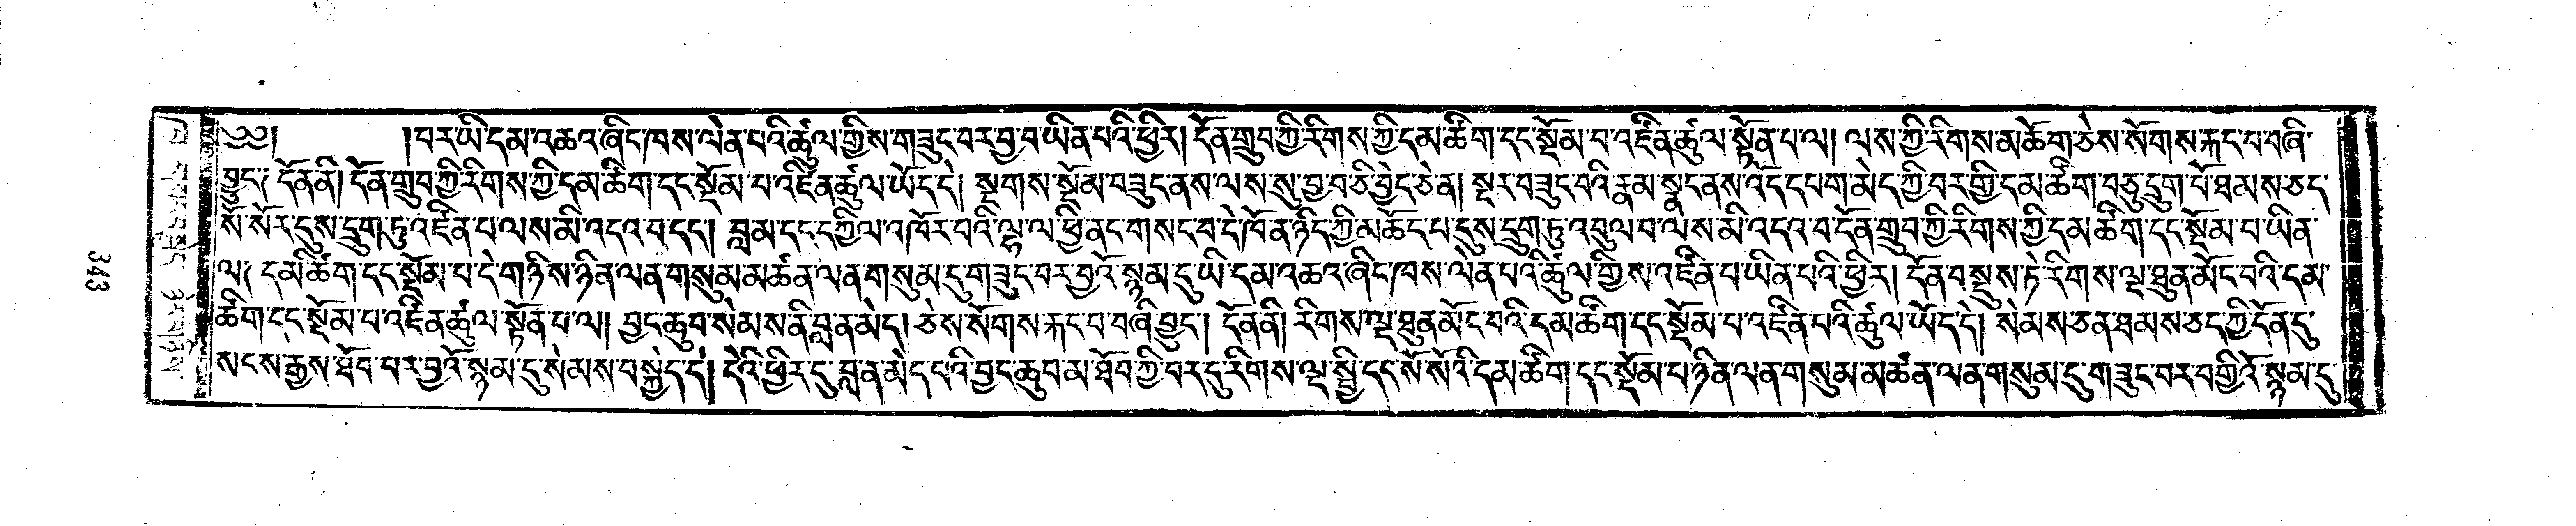༄༅། །པར་ཡི་དམ་འཆའ་ཞིང་ཁས་ལན་པའི་ཚུལ་གྱིས་གཟུང་བར་བྱ་བ་ཡིན་པའི་ཕྱིར། དོན་གྲུབ་ཀྱི་རིགས་ཀྱི་དམ་ཚིག་དང་སྡོམ་པ་འཛིན་ཚུལ་སྟོན་པ་ལ། ལས་ཀྱི་རིགས་མཆོག་ཅེས་སོགས་རྐང་པ་བཞི་
ཁྱུད༑ དོན་ནི། དོན་གྲུབ་ཀྱི་རིགས་ཀྱི་དམ་ཚིག་དང་སྡོམ་པ་འཛིན་ཚུལ་ཡོད་དེ། སྔགས་སྡོམ་བཟུང་ནས་ལས་སུ་བྱ་བ་ཅི་བྱེད་ཅེན། སྔར་བཟུང་པའི་རྣམ་སྣང་ནས་འོད་དཔག་མེད་ཀྱི་བར་གྱི་དམ་ཚིག་བཅུ་དྲུག་པོ་ཐམས་ཅད་
སོ་སོར་དུས་དྲུག་ཏུ་འཛིན་པ་ལས་མི་འདའ་བ་དང་། བླ་མ་དང་དཀྱིལ་འཁོར་བའི་ལྷ་ལ་ཕྱི་ནང་གསང་བདེ་ཁོ་ན་ཉིད་ཀྱི་མཆོད་པ་དུས་དྲུག་ཏུ་འབུལ་བ་ལས་མི་འདའ་བ་དོན་གྲུབ་ཀྱི་རིགས་ཀྱི་དམ་ཚིག་དང་སྡོམ་པ་ཡིན་
ལ༑ དམ་ཚིག་དང་སྡོམ་པ་དེ་གཉིས་ཉིན་ལན་གསུམ་མཚན་ལན་གསུམ་དུ་གཟུང་བར་བྱའོ་སྙམ་དུ་ཡི་དམ་འཆའ་ཞིང་ཁས་ལེན་པའི་ཚུལ་གྱིས་འཛིན་པ་ཡིན་པའི་ཕྱིར། དོན་བསྡུས་ཏེ་རིགས་ལྔ་ཐུན་མོང་པའི་དམ་
ཚིག་དང་སྡོམ་པ་འཛིན་ཚུལ་སྟོན་པ་ལ། བྱང་ཆུབ་སེམས་ནི་བླ་ན་མེད། ཅེས་སོགས་རྐང་པ་བཞི་བྱུང་། དོན་ནི། རིགས་ལྔ་ཐུན་མོང་བའི་དམ་ཚིག་དང་སྡོམ་པ་འཛིན་པའི་ཚུལ་ཡོད་དེ། སེམས་ཅན་ཐམས་ཅད་ཀྱི་དོན་དུ་
སངས་རྒྱས་ཐོབ་པར་བྱའོ་སྙམ་དུ་སེམས་བསྐྱེད་དེ། དེའི་ཕྱིར་དུ་བླ་ན་མེད་པའི་བྱང་ཆུབ་མ་ཐོབ་ཀྱི་བར་དུ་རིགས་ལྔ་སྤྱི་དང་སོ་སོའི་དམ་ཚིག་དང་སྡོམ་པ་ཉིན་ལན་གསུམ་མཚན་ལན་གསུམ་དུ་གཟུང་བར་བགྱིའོ་སྙམ་དུ་